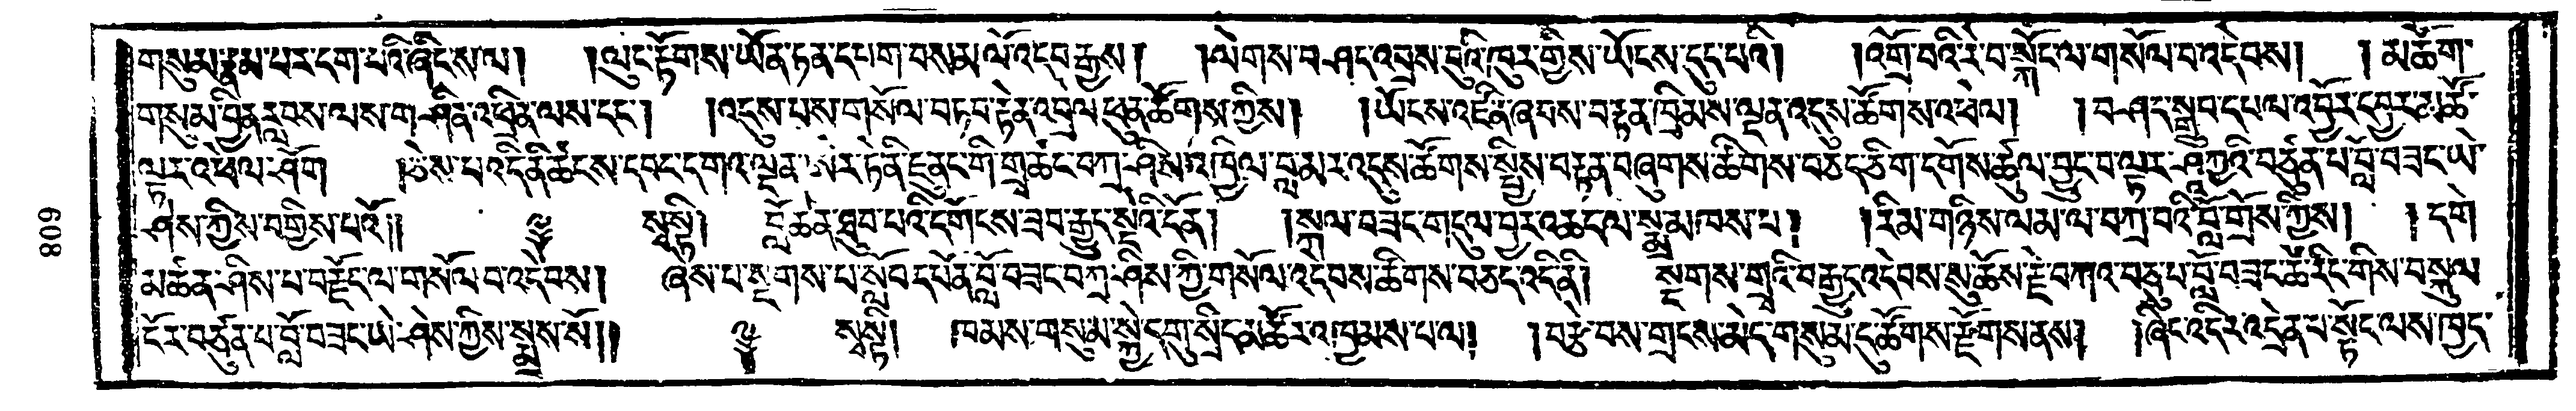གསུམ་རྣམ་པར་དག་པའི་ཞིང་ས་ལ། །ལུང་རྟོགས་ཡོན་ཏན་དཔག་བསམ་ལོ་འདབ་རྒྱས། །ལེགས་བཤད་འབྲས་བུའི་ཁུར་གྱིས་ཡོངས་དུད་པའི། །འགྲོ་བའི་རེ་བ་སྐོང་ལ་གསོལ་བ་འདེབས། །མཆོག་
གསུམ་བྱིན་རླབས་ལས་གཤིན་འཕྲིན་ལས་དང་། །འདུས་པས་གསོལ་བཏབ་རྟེན་འབྲེལ་ཕུན་ཚོགས་ཀྱིས། །ཡོངས་འཛིན་ཞབས་བརྟན་ཁྲིམས་ལྡན་འདུས་ཚོགས་འཕེལ། །བཤད་སྒྲུབ་དཔལ་འབྱོར་དབྱར་མཚོ་
ལྟར་འཕེལ་ཤོག །ཅེས་པ་འདི་ནི་ཚངས་དབང་དགའ་ལྡན་ཨེར་ཏེ་ནི་ཇུ་ནང་གི་གྲྭ་ཚང་བཀྲ་ཤིས་འཁྱིལ་བླ་མར་འདུས་ཚོགས་སྤྱིས་བརྟན་བཞུགས་ཚིགས་བཅད་ཅིག་དགོས་ཚུལ་བྱུང་བ་ལྟར་ཤཱཀྱའི་བཙུན་པ་བློ་བཟང་ཡེ་
ཤེས་ཀྱིས་བགྱིས་པའོ།། ༈ སྭསྟི། བློ་ཆེན་ཐུབ་པའི་དགོངས་ཟབ་རྒྱུད་སྡེའི་དོན། །སྐལ་བཟང་གདུལ་བྱར་འཆད་ལ་སྨྲ་མཁས་པ། །རིམ་གཉིས་ལམ་ལ་བཀྲ་བའི་བློ་གྲོས་ཀྱིས། །དགེ་
མཚན་ཤིས་པ་བརྗོད་ལ་གསོལ་བ་འདེབས། ཞེས་པ་སྔགས་པ་སློབ་དཔོན་བློ་བཟང་བཀྲ་ཤིས་ཀྱི་གསོལ་འདེབས་ཚིགས་བཅད་འདི་ནི། སྔགས་གྲྭའི་བརྒྱུད་འདེབས་སུ་ཆོས་རྗེ་བཀའ་བཅུ་པ་བློ་བཟང་ཚེ་རིང་གིས་བསྐུལ་
ངོར་བཙུན་པ་བློ་བཟང་ཡེ་ཤེས་ཀྱིས་སྨྲས་སོ།། ༈ སྭསྟི། ཁམས་གསུམ་སྐྱེ་དགུ་སྲིད་མཚོར་འཁྱམས་པ་ལ། །བརྩེ་བས་གྲངས་མེད་གསུམ་དུ་ཚོགས་རྫོགས་ནས། །ཞིང་འདིར་འདྲེན་པ་སྟོང་ལས་ཁྱད་